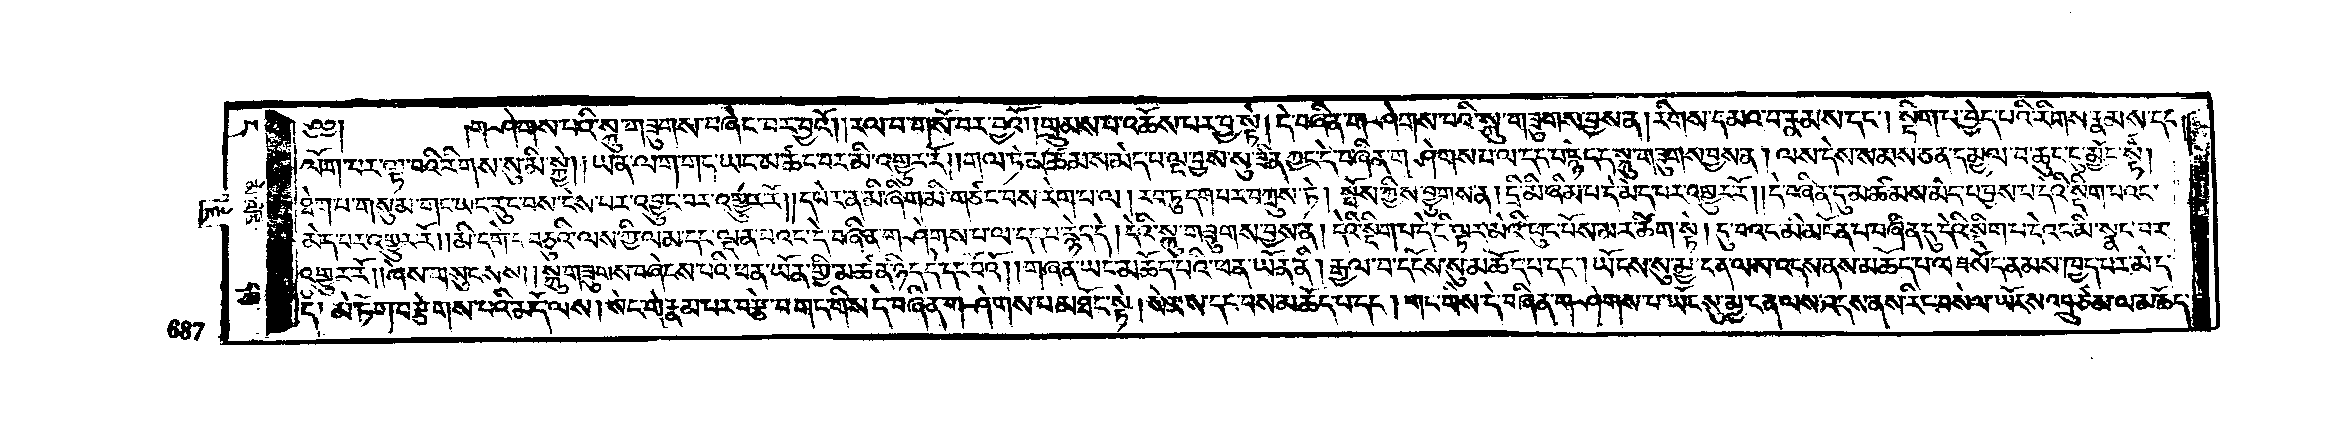༄༅། །གཤེགས་པའི་སྐུ་གཟུགས་བཞེང་བར་བྱའོ། །རལ་བ་གསོ་བར་བྱའོ། །གྲུམས་པ་འཆོས་པར་བྱ་སྟེ། དེ་བཞིན་གཤེགས་པའི་སྐུ་གཟུགས་བྱས་ན། རིགས་དམའ་བ་རྣམས་དང་། སྡིག་པ་བྱེད་པའི་རིགས་རྣམས་དང་
ལོག་པར་ལྟ་བའི་རིགས་སུ་མི་སྐྱེ། །ཡན་ལག་གང་ཡང་མ་ཚང་བར་མི་འགྱུར་རོ། །གལ་ཏེ་མཚམས་མེད་པ་ལྔ་བྱས་སུ་ཟིན་ཀྱང་དེ་བཞིན་གཤེགས་པ་ལ་དང་བ་རྙེད་དེ་སྐུ་གཟུགས་བྱས་ན། ལས་དེས་སེམས་ཅན་དམྱལ་བ་ཆུང་ངུ་མྱོང་སྟེ།
ཐེག་པ་གསུམ་གང་ཡང་རུང་བས་ངེས་པར་འབྱུང་བར་འགྱུར་རོ། །དཔེར་ན་མི་ཞིག་མི་གཙང་བས་རེག་པ་ལ། རབ་ཏུ་དག་པར་བཀྲུས་ཏེ། སྤོས་ཀྱིས་བྱུགས་ན། དྲི་མི་ཞིམ་པ་དེ་མེད་པར་འགྱུར་རོ། །དེ་བཞིན་དུ་མཚམས་མེད་པ་བྱས་པ་དེའི་སྡིག་པའང་
མེད་པར་འགྱུར་རོ། །མི་དགེ་བ་བཅུའི་ལས་ཀྱི་ལམ་དང་ལྡན་པའང་དེ་བཞིན་གཤེགས་པ་ལ་དད་པ་རྙེད་དེ། དེའི་སྐུ་གཟུགས་བྱས་ན། དེའི་སྡིག་པ་དེ་ཇི་ལྟར་མེའི་ཕུང་པོས་མར་ཚིག་སྟེ། དུ་བའང་མི་མངོན་པ་བཞིན་དུ་དེའི་སྡིག་པ་དེའང་མི་སྣང་བར་
འགྱུར་རོ། །ཞེས་གསུངས་པས། །སྐུ་གཟུགས་བཞེངས་པའི་ཕན་ཡོན་གྱི་མཚན་ཉིད་དེ་དང་པོའོ། །གཞན་ཡང་མཆོད་པའི་ཕན་ཡོན་ནི། རྒྱལ་བ་དངོས་སུ་མཆོད་པ་དང་། ཡོངས་སུ་མྱ་ངན་ལས་འདས་ནས་མཆོད་པ་ལ་བསོད་ནམས་ཁྱད་པར་མེད་
དཾ། མེ་ཏོག་བརྩེགས་པའི་མདོ་ལས། སེང་གེ་རྣམ་པར་བརྩེ་བ་གང་གིས་དེ་བཞིན་གཤེགས་པ་མཐོང་སྟེ། སེམས་དང་བས་མཆོད་པ་དང་། གང་གིས་དེ་བཞིན་གཤེགས་པ་ཡོངས་སུ་མྱ་ངན་ལས་འདས་ནས་རིང་བསེལ་ཡོངས་འབྲུ་ཙམ་ལ་མཆོད་